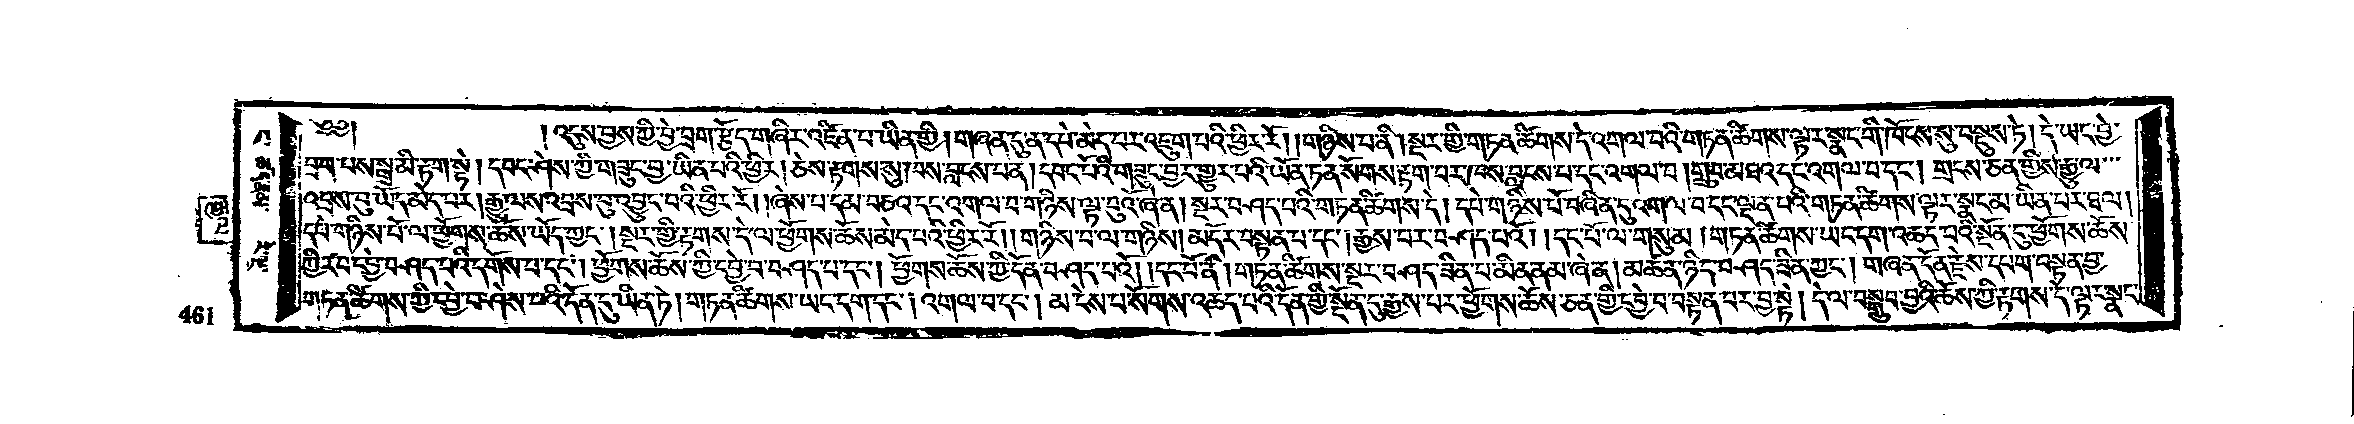༄༅། །འདུས་བྱས་ཀྱི་བྱེ་བྲག་རྩོད་གཞིར་འཛིན་པ་ཡིན་གྱི། གཞན་དུ་ན་དཔེ་མེད་པར་འཇུག་པའི་ཕྱིར་རོ། །གཉིས་པ་ནི། སྔར་གྱི་གཏན་ཚིགས་དེ་འགལ་བའི་གཏན་ཚིགས་ལྟར་སྣང་གི་ཁོངས་སུ་བསྡུས་ཏེ། དེ་ཡང་བྱེ་
བྲག་པས་སྒྲ་མི་རྟག་སྟེ། དབང་ཤས་ཀྱི་གཟུང་བྱ་ཡིན་པའི་ཕྱིར། ཅེས་རྟགས་སུ་ཁས་བླངས་པ་ན། དབང་པོའི་གཟུང་བྱར་གྱུར་པའི་ཡོན་ཏན་སོགས་རྟག་པར་ཁས་བླངས་པ་དང་འགལ་བ། གྲུབ་མཐའ་དང་འགལ་བ་དང་། གྲངས་ཅན་གྱི་རྒྱུ་ལ་
འབྲས་བུ་ཡོད་མེད་པར། རྒྱུ་ལས་འབྲས་བུ་འབྱུང་བའི་ཕྱིར་རོ། །ཞེས་པ་དམ་བཅའ་དང་འགལ་བ་གཉིས་ལྟ་བུའོ་ཞེ་ན། སྔར་བཤད་པའི་གཏན་ཚིགས་དེ། དཔེ་གཉིས་པོ་བཞིན་དུ་འགལ་བ་དང་ལྡན་པའི་གཏན་ཚིགས་ལྟར་སྣང་མ་ཡིན་པར་ཐལ།
དཔེ་གཉིས་པོ་ལ་ཕྱོགས་ཆོས་ཡོད་ཀྱང་། སྔར་གྱི་རྟགས་དེ་ལ་ཕྱོགས་ཆོས་མེད་པའི་ཕྱིར་རོ། །གཉིས་པ་ལ་གཉིས། མདོར་བསྟན་པ་དག། རྒྱས་པར་བཤད་པའོ། །དང་པོ་ལ་གསུམ། གཏན་ཚིགས་ཡང་དག་འཆད་པའི་སྔོན་དུ་ཕྱོགས་ཆོས་
ཀྱི་རབ་དབྱེ་བཤད་པའི་དགོས་པ་དང་། ཕྱོགས་ཆོས་ཀྱི་དབྱེ་བ་བཤད་པ་དང་། ཕྱོགས་ཆོས་ཀྱི་དོན་བཤད་པའོ། །དང་པོ་ནི། གཏན་ཚིགས་སྔར་བཤད་ཟིན་པ་མིན་ནམ་ཞེ་ན། མཚན་ཉིད་བཤད་ཟིན་ཀྱང་། གཞན་དོན་རྗེས་དཔག་བསྟན་བྱ་
གཏན་ཚིགས་ཀྱི་དབྱེ་བ་ཤེས་པའི་དོན་དུ་ཡིན་ཏེ། གཏན་ཚིགས་ཡང་དག་དང་། འགལ་བ་དང་། མ་ངེས་པ་སོགས་འཆད་པའི་དོན་གྱི་སྔོན་དུ་རྒྱས་པར་ཕྱོགས་ཆོས་ཅན་གྱི་དབྱེ་བ་བསྟན་པར་བྱ་སྟེ། དེ་ལ་བསྒྲུབ་བྱའི་ཆོས་ཀྱི་རྟགས་དེ་ལྟར་སྣང་